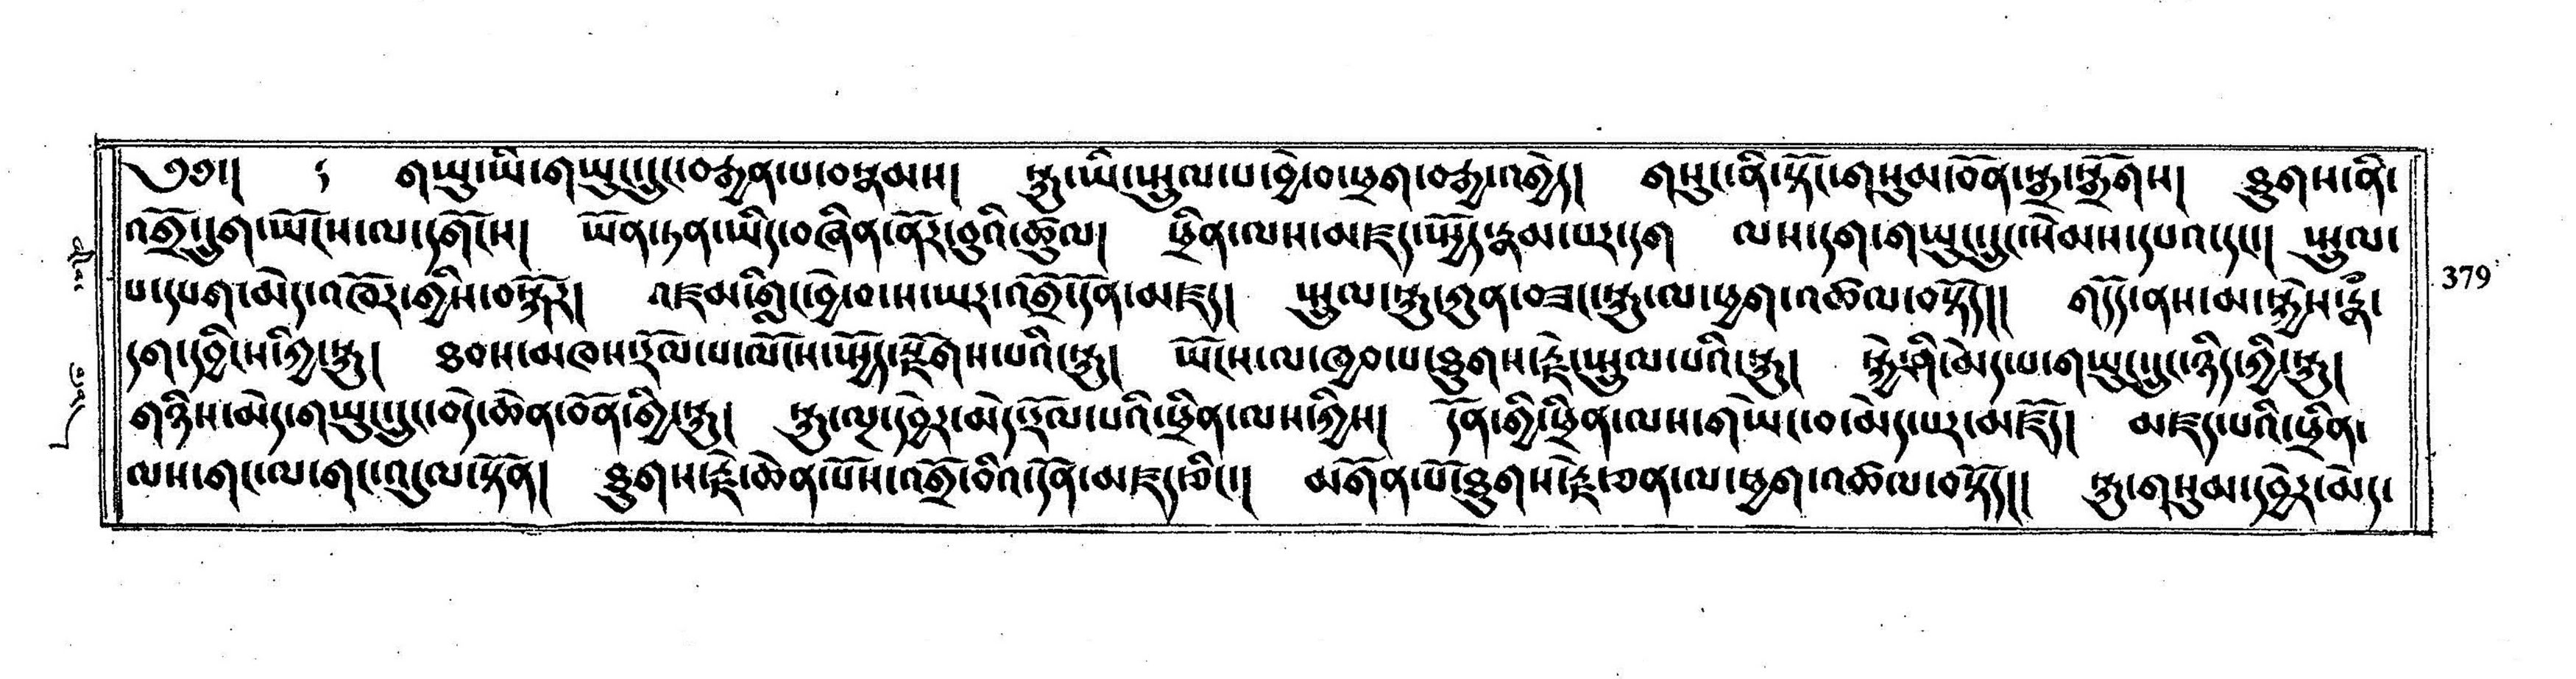གཡུ་ཡི་གཡུང་དྲུང་བརྒྱན་པ་བསྣམས། སྐུ་ཡི་སྤྲུལ་པ་བྱེ་བ་ཕྲག་བརྒྱ་འགྱེད། གསུང་ནི་སྟོང་གསུམ་བོན་སྒྲ་སྒྲོགས། ཐུགས་ནི་
འགྲོ་དྲུག་ཡོངས་ལ་དགོངས། ཡོན་ཏན་ཡིད་བཞིན་ནོར་བུའི་ཚུལ། ཕྲིན་ལས་མཛད་སྤྱོད་རྣམ་པར་དག ལས་དག་གཡུང་དྲུང་སེམས་དཔའ་དང་། སྤྲུལ་
པ་དཔག་མེད་འཁོར་གྱིས་བསྐོར། འཛམ་གླིང་བྱེ་བ་ས་ཡར་འགྲོ་དོན་མཛད། སྤྲུལ་སྐུ་ཀུན་བཟང་སྐུ་ལ་ཕྱག་འཚལ་བསྟོད།། གདོད་ནས་མ་སྐྱེས་རྣམ་
དག་དབྱིངས་ཀྱི་སྐུ། ཐབས་མཁས་རོལ་པ་ལོངས་སྤྱོད་རྫོགས་པའི་སྐུ། ཡོངས་ལ་ཁྱབ་པ་ཐུགས་རྗེ་སྤྲུལ་པའི་སྐུ། སྐྱེ་ཤི་མེད་པ་གཡུང་དྲུང་ཉིད་ཀྱི་སྐུ། 
གཉིས་མེད་གཡུང་དྲུང་བདེ་ཆེན་བོན་གྱི་སྐུ། སྐུ་ལྔ་དབྱེར་མེད་རོལ་པའི་ཕྲིན་ལས་ཀྱིས། དོན་གྱི་ཕྲིན་ལས་གཡེང་བ་མེད་པར་མཛོད། མཛད་པའི་ཕྲིན་
ལས་གནག་ལ་གང་འདུལ་སྟོན། ཐུགས་རྗེ་ཆེན་པོས་འགྲོ་བའི་དོན་མཛད་ཅིང་། མགོན་པོ་ཐུགས་རྗེ་ཅན་ལ་ཕྱག་འཚལ་བསྟོད།། སྐུ་གསུམ་དབྱེར་མེད་